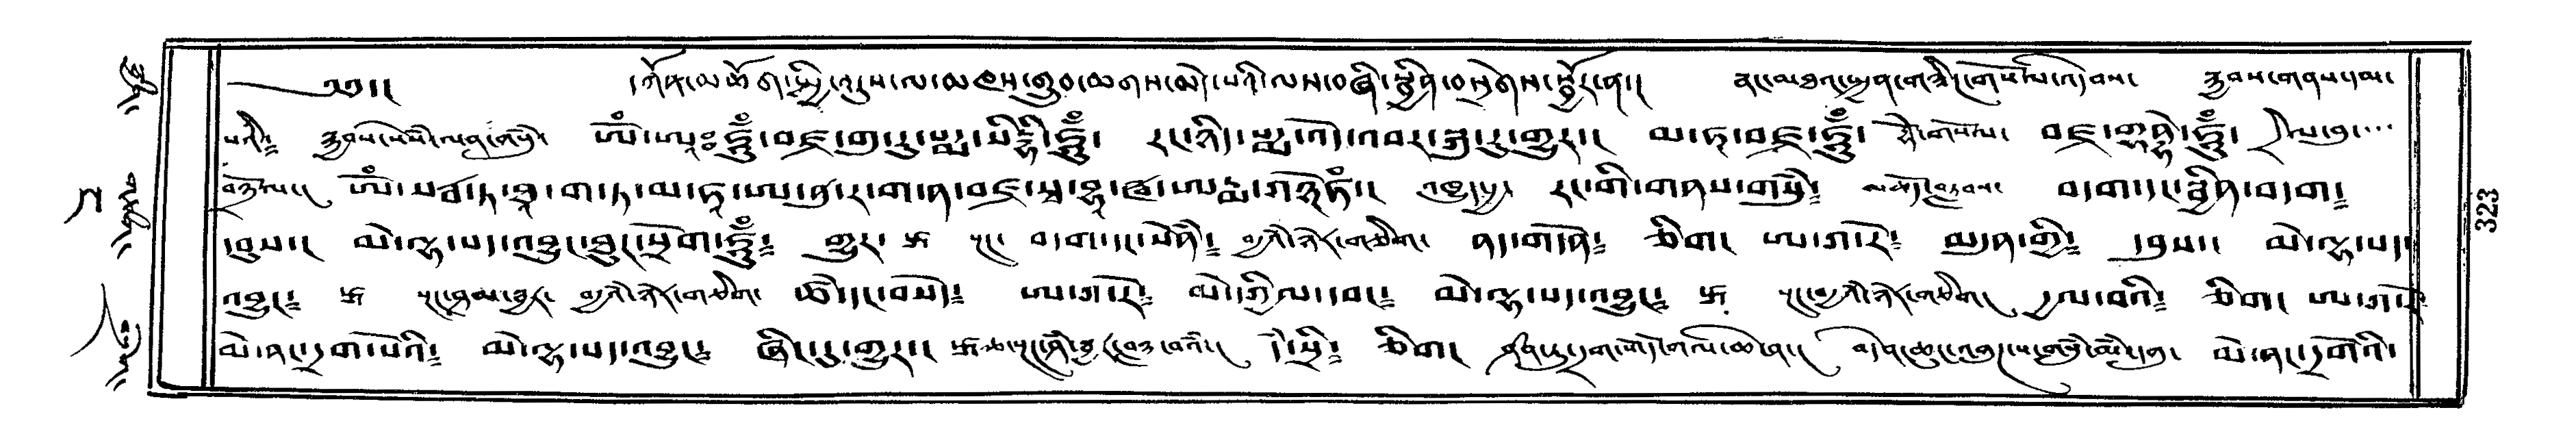༄༅། དཀོན་མཆོག་སྤྱི་འདུས་ལ་ཁས་གྲུབ་ཆགས་མེད་ཀྱྀ་ལས་བཞིའི་སྦྱིན་སྲེག་སྦྱོར་ན། སྣང་མཐའ་སྤྱན་གཟིགས༴ གསོལ་འདེབས། སྐྱབས་གནས་དམ་
པའི༴ སྐྱབས་སེམས་ལན་གསུམ། ཨོཾ་ཨཱཿཧཱུྃ་བཛྲ་གུ་རུ་པདྨ་སིདྡྷི་ཧཱུྃ། རང་ཉིད་པདྨ་འོད་འབར་སྐུ་རུ་གྱུར། མ་ཧཱ་བཛྲ་ཧཱུྃ། རྡོ་རྗེ་གསོར། བཛྲ་གྷནྡྷེ་ཧཱུྃ་དྲིལ་བུ་
དཀྲོལ། ཨོཾ་སརྦ་ཏ་ཐཱ་ག་ཏ་མ་ཧཱ་ཨ་ནུ་ར་ག་ན་བཛྲ་སྭ་བྷཱ་ཝ་ཨཏྨ་ཀོཉཧཾ། འཁྱུད་རྒྱ། རང་གི་གནས་གསུམ༴ མཆོད་རླབས། བདག་དང་སྦྱིན་བདག་
དབུས། མེ་ལྷ་པད་འབྱུང་ཐུགས་སྲེག་ཧཱུྃ༴ གྱུར། སྔགས། བདག་དང་སེམས་ཅན༴ བརྒྱའམ་ཉེར་གཅིག ནད་གདོན༴ ཅིག ཨ་ཀ་རོ༴ མདུན་གྱི༴ དབུས། མེ་ལྷ་པད་
འབྱུང༴ སྔགས་གཤམ་སྦྱར་བརྒྱའམ་ཉེར་གཅིག ཚེ་དང་བསོད༴ ཨ་ཀ་རོ༴ མེ་དཀྱིལ་དབང༴ མེ་ལྷ་པད་འབྱུང༴ སྔགས་བརྒྱའམ་ཉེར་གཅིག རྒྱལ་བའི༴ ཅིག ཨ་ཀ་རོ༴ 
མེ་ནང་དྲག་པོའི༴ མེ་ལྷ་པད་འབྱུང༴ ཞིང་དུ་གྱུར། རྩ་སྔགས་གཤམ་སྦྱར་བཟླ་བའམ། དམ་སྲིད༴ ཅིག ཤིན་ཏུ་དྲག་པོ་དོ་གལ་ཆེ་ན། བདེན་ཆུང་འགུགས་པ་གསུམ་མམ་དགུ། མེ་ན་དྲག་པོའི་